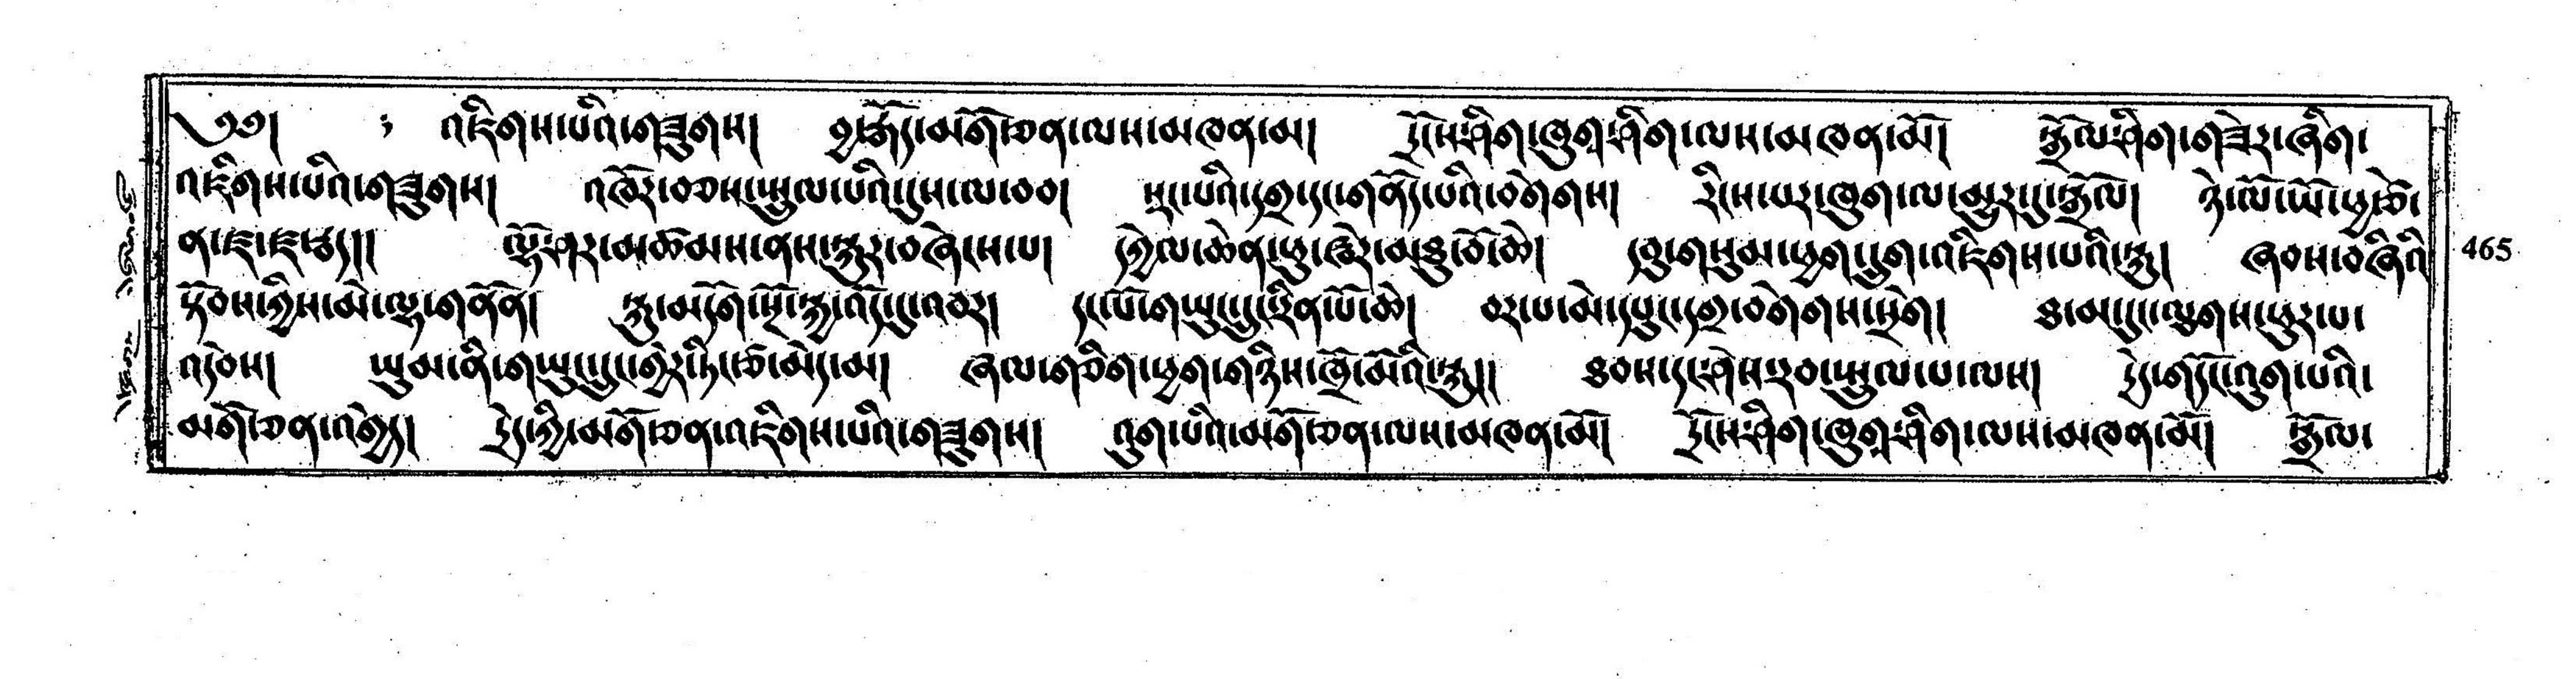འཇིགས་པའི་གཟུགས། བྱ་རྒོད་མགོ་ཅན་ལས་མཁན་མ། དྲོངས་ཤིག་ཁུག་ཤིག་ལས་མཁན་མོ། སྒྲོལ་ཤིག་གཟེར་ཞིག་
འཇིགས་པའི་གཟུགས། འཁོར་བཅས་སྤྲུལ་པའི་དུས་ལ་བབ། སྡང་པའི་དགྲ་དང་གནོད་པའི་བགེགས། རིངས་པར་ཁུག་ལ་མྱུར་དུ་སྒྲོལ། ཉེ་ལོ་ཡོ་ཕྱ་ཙེ་
ན་ཛ་ཛ་རྦད། ལྷོ་ཤར་མཚམས་ནས་སྐུར་བཞེངས་པ། དཀྱེལ་ཆེན་ཕུ་ཝེར་མཐུ་བོ་ཆེ། དབུ་གསུམ་ཕྱག་དྲུག་འཇིགས་པའི་སྐུ། ཞབས་བཞིའི་
སྟོབས་ཀྱིས་མེ་ལྷ་གནོན། སྐུ་{479}མདོག་སྔོ་སྐྱ་འོད་དུ་འབར། དང་པོ་གཡུང་དྲུང་རིན་པོ་ཆེ། བར་པ་མེ་དཔུང་དགྲ་བགེགས་སྲེག །ཐ་མ་དུང་ལྕགས་ཕུར་པ་
འདེབས། ཡུམ་ནི་གཡུང་དྲུང་གྱེར་ཏིང་ཙ་མེད་མ། ཞལ་གཅིག་ཕྱག་གཉིས་ཁྲོ་མོའི་སྐུ།། ཐབས་དང་ཤེས་རབ་སྤྲུལ་པ་ལས། དྲེད་གདོང་འུག་པའི་
མགོ་ཅན་འགྱེད། དྲེད་ཀྱི་མགོ་ཅན་འཇིགས་པའི་གཟུགས། འུག་པའི་མགོ་ཅན་ལས་མཁན་མོ། དྲོངས་ཤིག་ཁུགས་ཤིག་ལས་མཁན་མོ། སྒྲོལ་